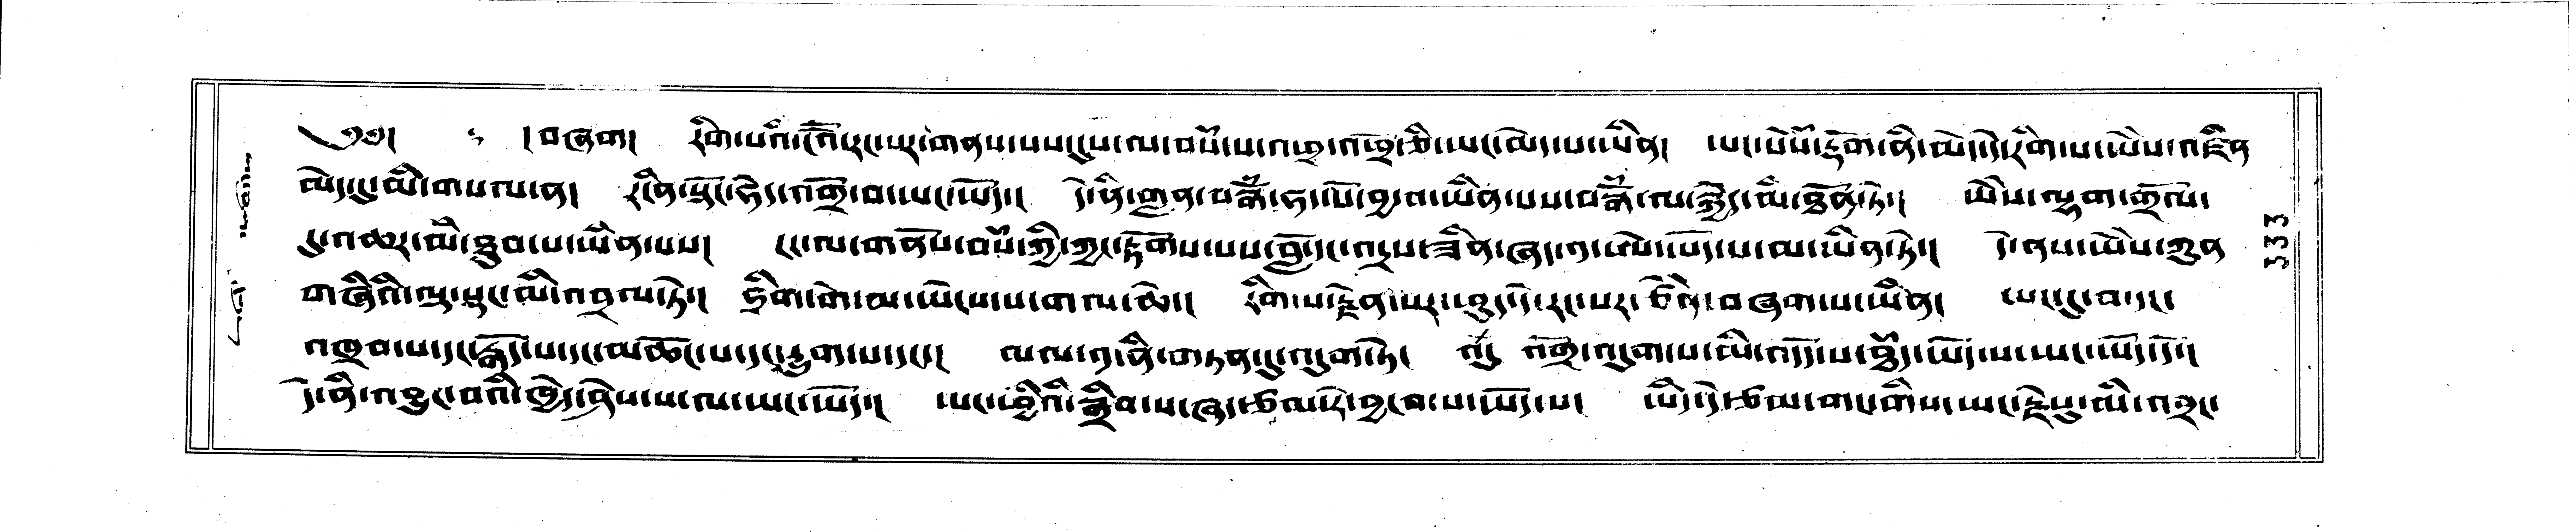བཞག རིག་པའི་ངོའོ་རང་སར་གནས་པའི་དུས་ལ། བསམ་པ་འཕྲ་འཕྲོ་ཅི་ཡང་མེད་པ་ཡིན། ཡང་བསམ་རྟོག་ནི་མེད་སྟེ། རིག་པའི་ཡེ་ཤེས་འཛིན་
མེད་དུ་མི་གསལ་ནས། རང་བཞིན་སྟོང་ཧེད་དེ་འགྲོ་བ་ཡང་ཡོད་དོ། དེ་ནི་གླེན་སྒོམས་ཧེད་པོ་བྱ་བ་ཡིན་པས། སྒོམས་ལ་ཡང་སྐྱེད་མི་ཐོན་ཏེ། ཡེ་ཤེས་ལྷག་གྲོལ་
དུ་འཆར་མི་ཐུབ་པ་ཡིན་པས། ངང་ལ་གནས་སོ་བསམ་ཡང་། རྟོགས་པའི་བློ་དང་འདྲེས་ཟིན་ཞེ་‘‘ཞད”ཅིག་བེས་ཡོད་པ་མ་ཡིན། དེ་ན་ཀུན་
གཞིའི་ངང་ལ་ཡེ་ཤེས་ཀྱིས་ལྟ་སྟངས་དང་མི་བྲལ་ཏེ། ཧྲིག་གེ་མི་ཡེང་པ་གལ་ཆེ། རིག་པ་རྗེན་པར་ཕུད་དེ་རང་སོར་ཙན་ཙན་”ཙེན་ན”བཞག་པ་ཡིན། ཡང་ངུ་བ་དང་། 
འཁྲབ་པ་དང་། རྒོད་པ་དང་། མཆོང་པ་དང་། རྒྱུག་པ་དང་། མལ་ཅིག་ན་རྟེན་༼གཏན༽དུ་འདུག་སྟེ། གར་འགྲོ་མི་འདོད་པ་ཐམས་ཅད་འོང་པ་ཡང་ཡོད་དོ། 
དེ་ནི་འབྱུང་པའི་ཆ་ཤས་ལ་ཡང་ཡོད། ཡང་ཕྱིའི་སྒྲིབ་པ་ཞེད་ཙམ་རེ་བྱང་ནུས་པ་ཡོད་པ་ཡིན་པས། དེ་ཚོ་གང་གི་ཡང་རྗེས་སུ་མི་འབྲིང་